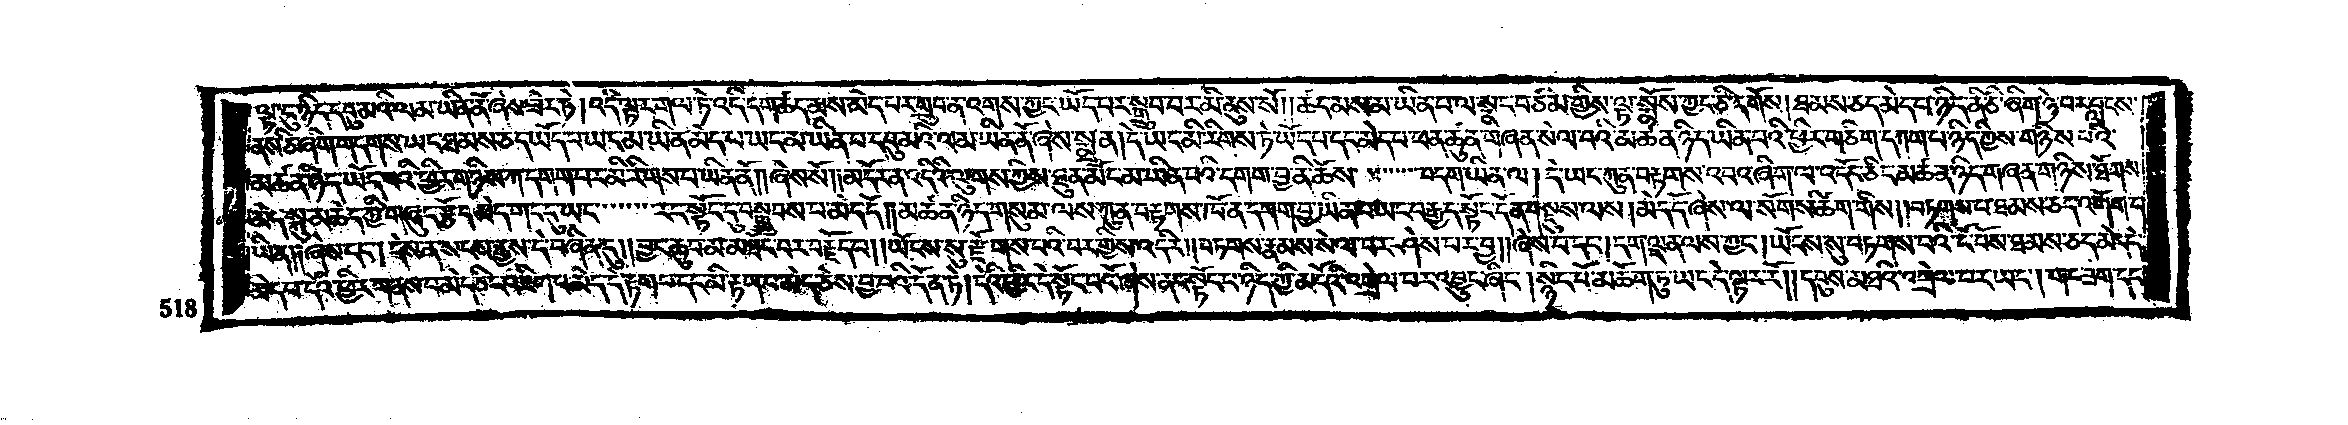ལྟ་དུ་ཉིད་དབུ་མའི་ལམ་ཡིན་ནོ་ཞེས་ཟེར་ཏེ། འདི་ལྟར་གལ་ཏེ་འདི་དག་ཚད་མས་མེད་པར་གྲུབ་ན་འགས་ཀྱང་ཡོད་པར་སྒྲུབ་པར་མི་ནུས་སོ། །ཚད་མས་མ་ཡིན་པ་ལ་སྣང་བ་ཙམ་གྱིས་ལྟ་སྨོས་ཀྱང་ཅི་དགོས། ཐམས་ཅད་མེད་པ་ཉིད་ནི་ཅི་ཞིག་ཉེ་བར་བླངས་
ནས་ཅི་ཞིག་གདགས་ཡང་ཐམས་ཅད་ཡོད་པ་ཡང་མ་ཡིན་མེད་པ་ཡང་མ་ཡིན་པ་དབུ་མའི་ལམ་ཡིན་ནོ་ཞེས་སྨྲ་ན། དེ་ཡང་མི་རིགས་ཏེ་ཡོད་པ་དང་མེད་པ་ཕན་ཚུན་གཞན་སེལ་བའི་མཚན་ཉིད་ཡིན་པའི་ཕྱིར་གཅིག་དཀག་པ་ཉིད་ཀྱིས་གཉིས་པའི་
མཚན་ཉིད་ཡོད་པའི་ཕྱིར་གཉིས་ཀ་དགག་པར་མི་རིགས་པ་ཡིན་ནོ། །ཞེས་སོ། །མདོར་ན་འདིའི་ལུགས་ཀྱིས་ཐུན་མོང་མ་ཡིན་པའི་དགག་བྱ་ནི་ཆོས་བདག་ཡིན་ལ། དེ་ཡང་ཀུན་བརྟགས་འབའ་ཞིག་ལ་འདོད་ཅིང་མཚན་ཉིད་གཞན་གཉིས་ཐོགས་
མེད་སྐུ་མཆེད་ཀྱི་གཞུང་རྩོད་མེད་གང་དུ་ཡང་རང་སྟོང་དུ་བསྒྲུབས་པ་མེད་དོ། །མཚན་ཉིད་གསུམ་ལས་ཀུན་བརྟགས་ཁོ་ན་དགག་བྱ་ཡིན་པ་ཡང་བརྒྱད་སྟོང་དོན་བསྡུས་ལས། མེད་དོ་ཞེས་ལ་སོགས་ཚིག་གིས། །བཏགས་པ་ཐམས་ཅད་འགོག་པ་
ཡིན། །ཞེས་དང་། དེས་ན་སངས་རྒྱས་དེ་བཞིན་དུ། །བྱང་ཆུབ་མ་མཐོང་བར་བརྗོད་པ། །ཡོངས་སུ་རྫོགས་པའི་བར་གྱིས་འདིར། །བཏགས་རྣམས་སེལ་བར་ཤེས་པར་བྱ། །ཞེས་པ་དང་། དག་ལྡན་ལས་ཀྱང་། ཡོངས་སུ་བཏགས་པའི་ངོ་བོས་ཐམས་ཅད་མེད་དེ་
མེད་པ་དེའི་ཕྱིར་གནས་པ་མེད་ཅིང་འཇིག་པ་མེད་དེ་རྟག་པ་དང་མི་རྟག་པ་མེད་ཅེས་བྱ་བའི་དོན་ཏེ། དེའི་ཕྱིར་དེ་སྟོང་པའོ་ཞེས་ནང་སྟོང་པ་ཉིད་ཀྱི་མདོའི་འགྲེལ་པར་འབྱུང་ཞིང་། སྙིང་པོ་མཆོག་ཏུ་ཡང་དེ་ལྟར་རོ། །དབུས་མཐའི་འགྲེལ་པར་ཡང་། གང་ཟག་དང་